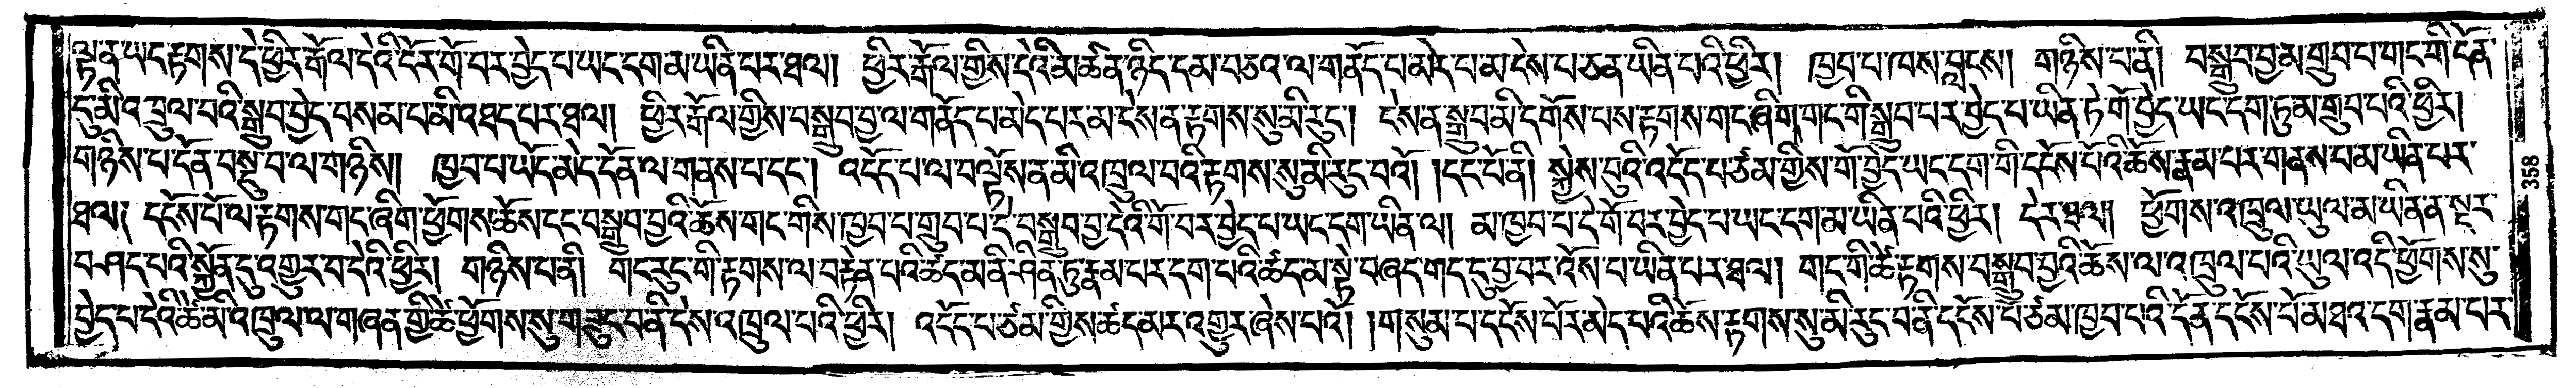ལྟ་ན་ཡང་རྟགས་དེ་ཕྱིར་རྒོལ་དེའི་ངོར་གོ་བར་བྱེད་པ་ཡང་དག་མ་ཡིན་པར་ཐལ། ཕྱིར་རྒོལ་གྱིས་དེའི་མཚན་ཉིད་དམ་བཅའ་ལ་གནོད་པ་མེད་པ་མ་ངེས་པ་ཅན་ཡིན་པའི་ཕྱིར། ཁྱབ་པ་ཁས་བླངས། གཉིས་པ་ནི། བསྒྲུབ་བྱ་མ་གྲུབ་པ་གང་གི་དོན་
དུ་མི་འཁྲུལ་བའི་སྒྲུབ་བྱེད་བསམ་པ་མི་འཐད་པར་ཐལ། ཕྱིར་རྒོལ་གྱིས་བསྒྲུབ་བྱ་ལ་གནོད་པ་མེད་པར་མ་ངེས་ན་རྟགས་སུ་མི་རུང་། ངེས་ན་སྒྲུབ་མི་དགོས་པས་རྟགས་གང་ཞིག་གང་གི་སྒྲུབ་པར་བྱེད་པ་ཡིན་ཏེ་གོ་བྱེད་ཡང་དག་ཏུ་མ་གྲུབ་པའི་ཕྱིར།
གཉིས་པ་དོན་བསྡུ་བ་ལ་གཉིས། ཁྱབ་པ་ཡོད་མེད་དོན་ལ་གནས་པ་དང་། འདོད་པ་ལ་བལྟོས་ན་མི་འཁྲུལ་བའི་རྟགས་སུ་མི་རུང་བའོ། །དང་པོ་ནི། སྐྱེས་བུའི་འདོད་པ་ཙམ་གྱིས་གོ་བྱེད་ཡང་དག་གི་དངོས་པོའི་ཆོས་རྣམ་པར་གནས་པ་མ་ཡིན་པར་
ཐལ༑ དངོས་པོ་ལ་རྟགས་གང་ཞིག་ཕྱོགས་ཆོས་དང་བསྒྲུབ་བྱའི་ཆོས་གང་གིས་ཁྱབ་པ་གྲུབ་པ་དེ་བསྒྲུབ་བྱ་དེའི་གོ་བར་བྱེད་པ་ཡང་དག་ཡིན་ལ། མ་ཁྱབ་པ་དེ་གོ་བར་བྱེད་པ་ཡང་དག་མ་ཡིན་པའི་ཕྱིར། དེར་ཐལ། ཕྱོགས་འཁྲུལ་ཡུལ་མ་ཡིན་ན་སྔར་
བཤད་པའི་སྐྱོན་དུ་འགྱུར་བ་དེའི་ཕྱིར། གཉིས་པ་ནི། གང་རུང་གི་རྟགས་ལ་བརྟེན་པའི་ཚད་མ་ནི་ཤིན་ཏུ་རྣམ་པར་དག་པའི་ཚད་མ་སྟེ་བཞད་གད་དུ་བྱ་བར་འོས་པ་ཡིན་པར་ཐལ། གང་གི་ཚེ་རྟགས་བསྒྲུབ་བྱའི་ཆོས་ལ་འཁྲུལ་པའི་ཡུལ་འདི་ཕྱོགས་སུ་
བྱེད་པ་དེའི་ཚེ་མི་འཁྲུལ་ལ་གཞན་གྱི་ཚེ་ཕྱོགས་སུ་གཟུང་བ་ནི་ངེས་འཁྲུལ་པའི་ཕྱིར། འདོད་པ་ཙམ་གྱིས་ཚད་མར་འགྱུར་ཞེས་པའོ། །གསུམ་པ་དངོས་པོར་མེད་པའི་ཆོས་རྟགས་སུ་མི་རུང་བ་ནི་དངོས་པོ་ཙམ་ཁྱབ་པའི་དོན་དངོས་པོ་མཐའ་དག་རྣམ་པར་